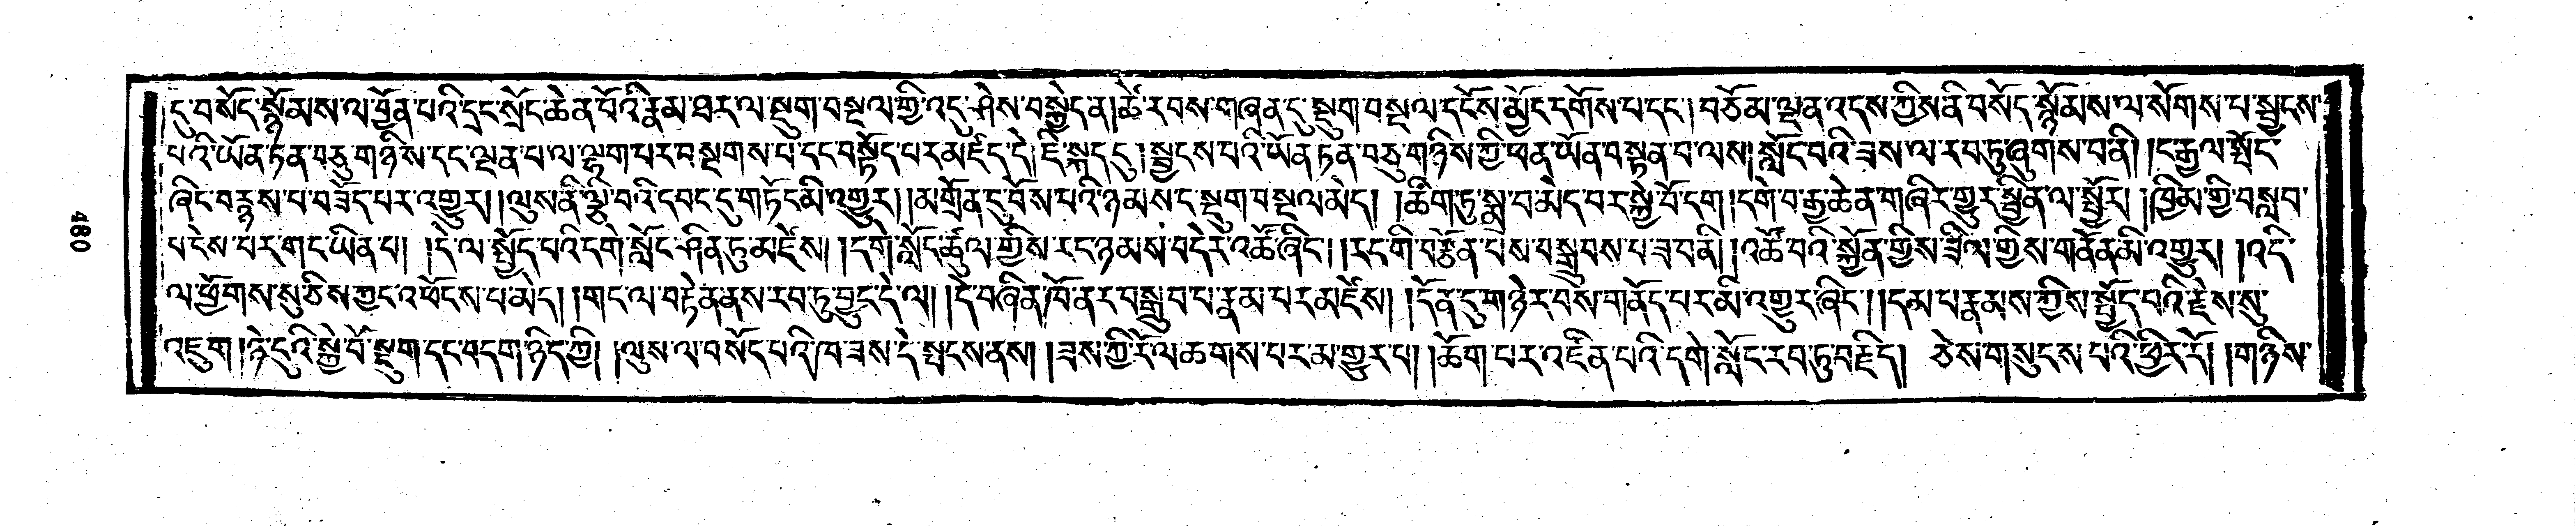དུ་བསོད་སྙོམས་ལ་བྱོན་པའི་དྲང་སྲོང་ཆེན་པོའི་རྣམ་ཐར་ལ་སྡུག་བསྔལ་གྱི་འདུ་ཤེས་བསྐྱེད་ན། ཚེ་རབས་གཞན་དུ་སྡུག་བསྔལ་དངོས་མྱོང་དགོས་པ་དང་། བཅོམ་ལྡན་འདས་ཀྱིས་ནི་བསོད་སྙོམས་ལ་སོགས་པ་སྦྱངས་
པའི་ཡོན་ཏན་བཅུ་གཉིས་དང་ལྡན་པ་ལ་ལྷག་པར་བསྔགས་པ་དང་བསྟོད་པར་མཛད་དེ། ཇི་སྐད་དུ། སྦྱངས་པའི་ཡོན་ཏན་བཅུ་གཉིས་ཀྱི་ཕན་ཡོན་བསྟན་པ་ལས། སློང་བའི་ཟས་ལ་རབ་ཏུ་ཞུགས་པ་ནི། །ང་རྒྱལ་སྤོང་
ཞིང་བརྙས་པ་བཟོད་པར་འགྱུར། །ལུས་ནི་ལྕི་བའི་དབང་དུ་གཏོང་མི་འགྱུར། །མགྲོན་དུ་བོས་པའི་ཉམས་ང་སྡུག་བསྔལ་མེད། །ཚིག་ཏུ་སྨྲ་བ་མེད་པར་སྐྱེ་བོ་དག །དགེ་བ་རྒྱ་ཆེན་གཞིར་གྱུར་སྦྱིན་ལ་སྦྱོར། །ཁྱིམ་གྱི་བསླབ་
པ་ངེས་པར་གང་ཡིན་པ། །དེ་ལ་སྤྱོད་པའི་དགེ་སློང་ཤིན་ཏུ་མཛེས། །དགེ་སློང་ཚུལ་གྱིས་རང་ཉམས་བདེར་འཚོ་ཞིང་། །རང་གི་བརྩོན་པས་བསྒྲུབས་པ་ཟ་བ་ནི། །འཚོ་བའི་སྐྱོན་གྱིས་ཟིལ་གྱིས་གནོན་མི་འགྱུར། །འདི་
ལ་ཕྱོགས་སུ་ཅིས་ཀྱང་འཕོངས་པ་མེད། །གང་ལ་བརྟེན་ནས་རབ་ཏུ་བྱུང་དེ་ལ། །དེ་བཞིན་ཁོ་ནར་བསྒྲུབ་པ་རྣམ་པར་མཛེས། །དོན་དུ་གཉེར་བས་གནོད་པར་མི་འགྱུར་ཞིང་། །དམ་པ་རྣམས་ཀྱིས་སྤྱོད་པའི་རྗེས་སུ་
འཇུག །ཉེ་དུའི་སྐྱེ་བོ་སྡུག་དང་བདག་ཉིད་ཀྱི། །ལུས་ལ་བསོད་པའི་ཁ་ཟས་དེ་སྤངས་ནས། །ཟས་ཀྱི་རོ་ལ་ཆགས་པར་མ་གྱུར་པ། །ཆོག་པར་འཛིན་པའི་དགེ་སློང་རབ་ཏུ་བརྗིད། ཅེས་གསུངས་པའི་ཕྱིར་རོ། །གཉིས་